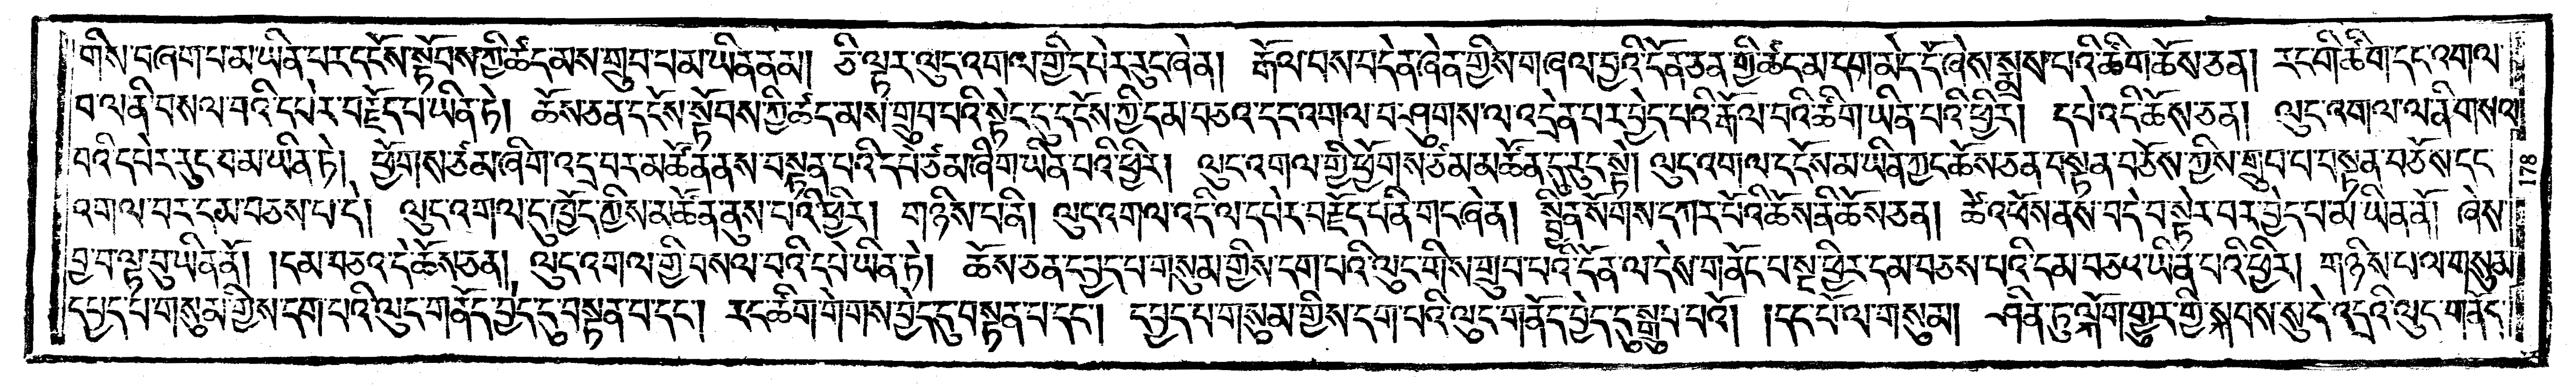གིས་བཞག་པ་མ་ཡིན་པར་དངོས་སྟོབས་ཀྱི་ཚད་མས་གྲུབ་པ་མ་ཡིན་ནམ། ཅི་ལྟར་ལུང་འགལ་གྱི་དཔེར་རུང་ཞེ་ན། རྒོལ་བས་བདེན་ཞེན་གྱིས་གཞལ་བྱའི་དོན་ཅན་གྱི་ཚད་མ་དག་མེད་དོ་ཞེས་སྨྲས་པའི་ཚིག་ཆོས་ཅན། རང་གི་ཚིག་དང་འགལ་
བ་ལ་ནི་བསལ་བའི་དཔེར་བརྗོད་པ་ཡིན་ཏེ། ཆོས་ཅན་དངོས་སྟོབས་ཀྱི་ཚད་མས་གྲུབ་པའི་སྟེང་དུ་དངོས་ཀྱི་དམ་བཅའ་དང་འགལ་བ་ཤུགས་ལ་འདྲེན་པར་བྱེད་པའི་རྒོལ་བའི་ཚིག་ཡིན་པའི་ཕྱིར། དཔེ་འདི་ཆོས་ཅན། ལུང་འགལ་ལ་ནི་གསལ་
བའི་དཔེར་རུང་བ་མ་ཡིན་ཏེ། ཕྱོགས་ཙམ་ཞིག་འདྲ་བར་མཚོན་ནས་བསྟན་པའི་དཔེ་ཙམ་ཞིག་ཡིན་པའི་ཕྱིར། ལུང་འགལ་གྱི་ཕྱོགས་ཙམ་མཚོན་དུ་རུང་སྟེ། ལུང་འགལ་དངོས་མ་ཡིན་ཀྱང་ཆོས་ཅན་བསྟན་བཅོས་ཀྱིས་གྲུབ་པ་བསྟན་བཅོས་དང་
འགལ་བར་དམ་བཅས་པ་དེ། ལུང་འགལ་དུ་ཁྱོད་ཀྱིས་མཚོན་ནུས་པའི་ཕྱིར། གཉིས་པ་ནི། ལུང་འགལ་འདི་ལ་དཔེར་བརྗོད་པ་ནི་གང་ཞེ་ན། སྦྱིན་སོགས་དཀར་པོའི་ཆོས་ནི་ཆོས་ཅན། ཚེ་འཕོས་ནས་བདེ་བ་སྟེར་བར་བྱེད་པ་མ་ཡིན་ནོ། ཞེས་
བྱ་བ་ལྟ་བུ་ཡིན་ནོ། །དམ་བཅའ་དེ་ཆོས་ཅན། ལུང་འགལ་གྱི་བསལ་བའི་དཔེ་ཡིན་ཏེ། ཆོས་ཅན་དཔྱད་པ་གསུམ་གྱིས་དག་པའི་ལུང་གིས་གྲུབ་པའི་དོན་ལ་དེས་གནོད་པ་སྔ་ཕྱིར་དམ་བཅས་པའི་དམ་བཅའ་ཡིན་པའི་ཕྱིར། གཉིས་པ་ལ་གསུམ་
དཔྱད་པ་གསུམ་གྱིས་དག་པའི་ལུང་གནོད་བྱེད་དུ་བསྟན་པ་དང་། རང་ཚིག་གེགས་བྱེད་དུ་བསྟན་པ་དང་། དཔྱད་པ་གསུམ་གྱིས་དག་པའི་ལུང་གནོད་བྱེད་དུ་སྒྲུབ་པའོ། །དང་པོ་ལ་གསུམ། ཤིན་ཏུ་ལྐོག་གྱུར་གྱི་སྐབས་སུ་དེ་འདྲའི་ལུང་གནོད་